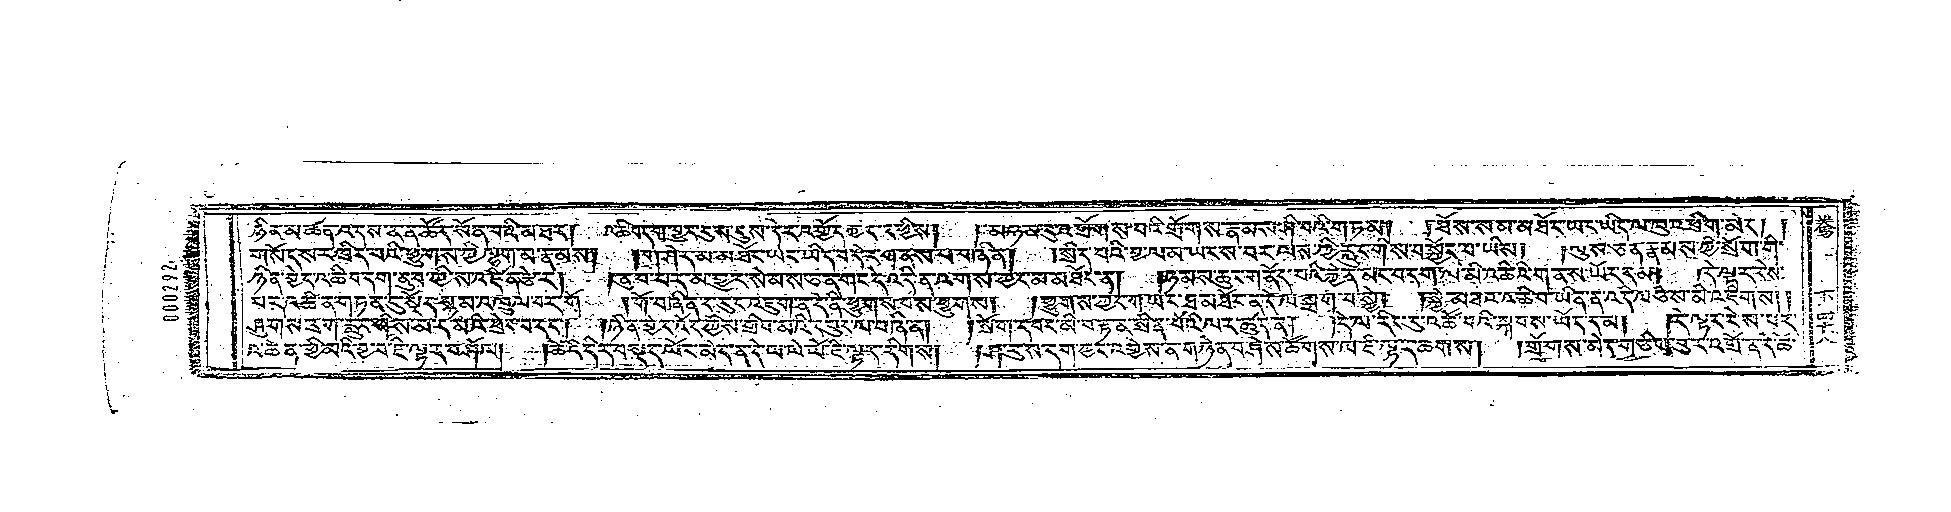ཉིན་མཚན་འདས་ན་ན་ཚོད་སོན་བའི་མཐར། འཆི་བདག་བྱུང་དུས་དུས་དེར་འགྱོད་ཀྱང་འཕྱིས། །མཉམ་དུ་འགྲོགས་བའི་གྲོགས་རྣམས་ཤི་བའི་གཏམ། །ཐོས་སམ་མཐོང་ཡང་ཡིད་ལ་ཁུ་འཕྲིག་མེད། །
གསོད་སར་ཁྲིར་པའི་ཕྱུགས་ཀྱི་ལྷག་མ་རྣམས། །གཤེད་མ་མཐོང་ཡང་ཡིད་བདེར་གནས་པ་བཞིན། །སྲིད་པའི་བྱ་ལམ་ཡངས་བར་ལས་ཀྱི་རླུང་གིས་བསྐྱོད་པ་ཡིས། །ལུས་ཅན་རྣམས་ཀྱི་སྲོག་གི་
ཉིན་བྱེད་འཆི་བདག་ནུབ་ཀྱི་ས་འཛིན་ཙེ་ར། །ནུབ་པར་མ་གྱུར་སེམས་ཅན་གང་དེ་འདི་ན་འགས་ཀྱང་མ་མཐོང་ན། །ཉམས་ཆུང་གནོད་པའི་རྐྱེན་མང་བདག་ལ་མི་འཆིའི་གནས་ཡོད་དམ། །དེ་ལྟར་ངེས་
པར་འཆི་ན་གཏན་དུ་སྡོད་སྙམ་འཁྲུལ་བར་གོ །གོ་བཞིན་ད་དུང་འཇུག་ན་དེ་ནི་ཕྱུགས་པས་ཕྱུགས། །ཕྱུགས་ཀྱང་གཡང་ཐ་མཐོང་ན་དེ་ལ་སྐྲག་པ་སྐྱེ། །སྐྱེ་མཐའ་འཆི་བ་ཡིན་ན་འདི་ལ་ཅིས་མི་འཇིགས། །
ཤུགས་དྲག་རླུང་གིས་མར་མེའི་ཕྲེང་བ་དང་། །ཉིན་བྱེད་འོད་ཀྱིས་གྲིབ་མའི་དཔུང་ལ་བཞིན། །སྲོག་དབང་མི་བརྟན་སྲིན་པོའི་ལར་ཆུད་ན། །དེ་ལ་རིང་དུ་འཚོ་བའི་སྐབས་ཡོད་དམ། །དེ་ལྟར་ངེས་པར་
འཆི་ན་ཕྱི་མའི་བྱ་བ་ཇི་ལྟར་བཤོལ། །ཚེ་འདིར་བསྡད་ལོང་མེད་ན་དེ་ལ་ལེ་ལོ་ཇི་ལྟར་རིགས། །ཤ་རུས་དག་ཀྱང་འགྱེས་ན་གཉེན་བཤེས་ཚོགས་ལ་ཇི་ལྟར་ཆགས། །གྲོགས་མེད་གཅིག་བུར་འགྲོ་ན་དེ་ཚེ་